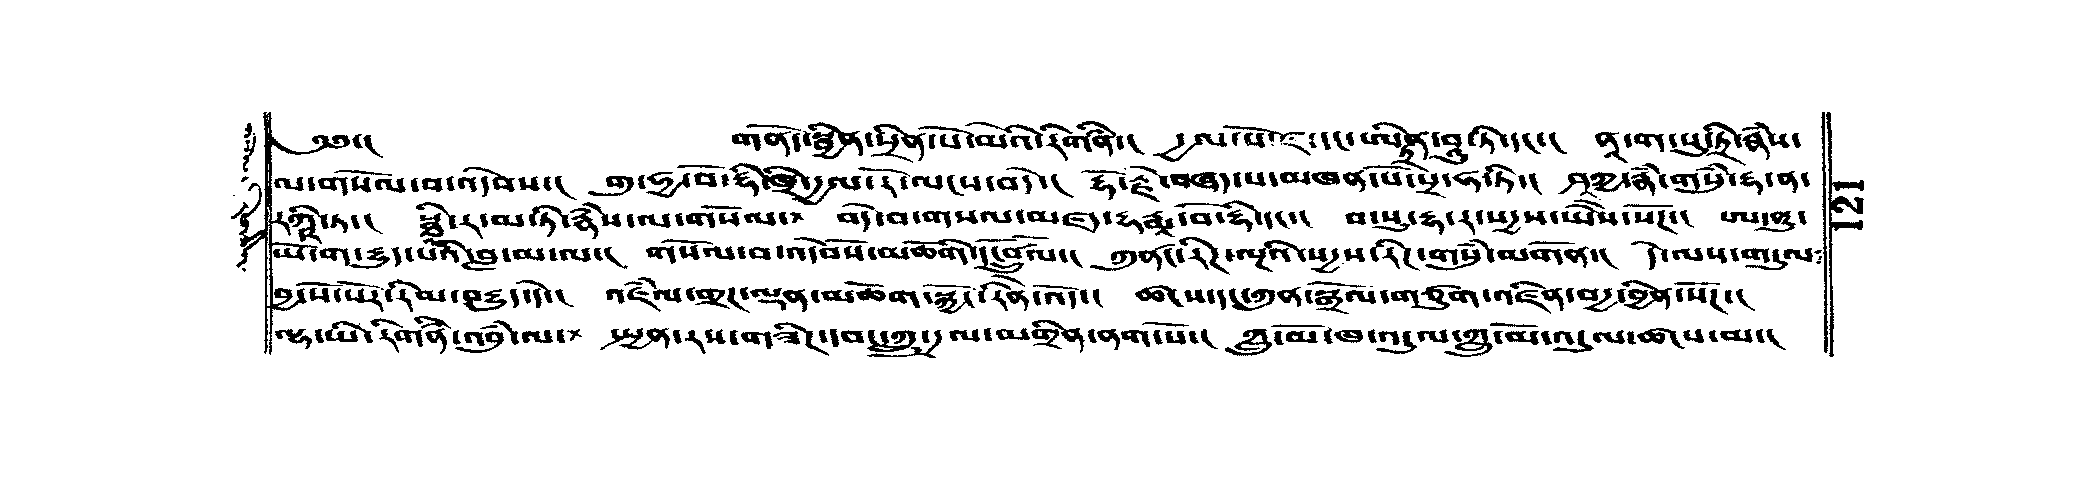གནོད་སྦྱིན་སྲིན་པོ་མིའི་རིག་འཛིན། །རྒྱལ་པོ་ཛང་དང་ཨིནྟྲ་བཱུ་ཏི་དང་། །ནཱ་ག་པུ་ཏྲི་རྣམས་
ལ་གསོལ་བ་འདེབས། །གུ་ཧྱ་བོ་དྷི་ཁྲི་རྒྱལ་རོ་ལངས་བདེ། །རྡོ་རྗེ་བཞད་པ་མཁན་པོ་པྲ་ཧ་ཏི། །ཤཱཀྱ་རྣམ་གསུམ་དྷ་ན་
རཀྵི་ཏ། །སྠི་ར་མ་ཏི་རྣམས་ལ་གསོལ༴ །བདེ་བ་གསལ་མཛད་དྷརྨཱ་བོ་དྷི་དང་། །བ་སུ་དྷ་ར་སངས་རྒྱས་ཡེ་ཤེས་སོགས། །ཨ་ནུ་
ཡོ་ག་རྒྱུད་པའི་བླ་མ་ལ། །གསོལ་བ་འདེབས་སོ་མཆོག་གི་དངོས་གྲུབ་སྩོལ། །ཀུན་བཟང་རིགས་ལྔའི་སངས་རྒྱས་རིགས་གསུམ་མགོན། །དེ་ལས་གདུལ་
བྱ་སོ་སོར་རིམ་བརྒྱུད་དེ། །འཇམ་དཔལ་གྲགས་ལྡན་མཆོག་སྐྱོང་རིན་ཆེན་འོད། །ཚངས་དང་ཀུན་སྒྲོལ་གཙུག་འཛིན་བརྒྱ་བྱིན་སོགས། །
ལྷ་ཡི་རིག་འཛིན་འབུམ་ལ༴ །སྤྱན་རས་གཟིགས་དབང་ཀླུ་རྒྱལ་མགྲིན་ནག་པོ། །ཀླུ་མོ་ཁ་འདུལ་ཀླུ་མོ་འདུལ་ཚངས་མ།